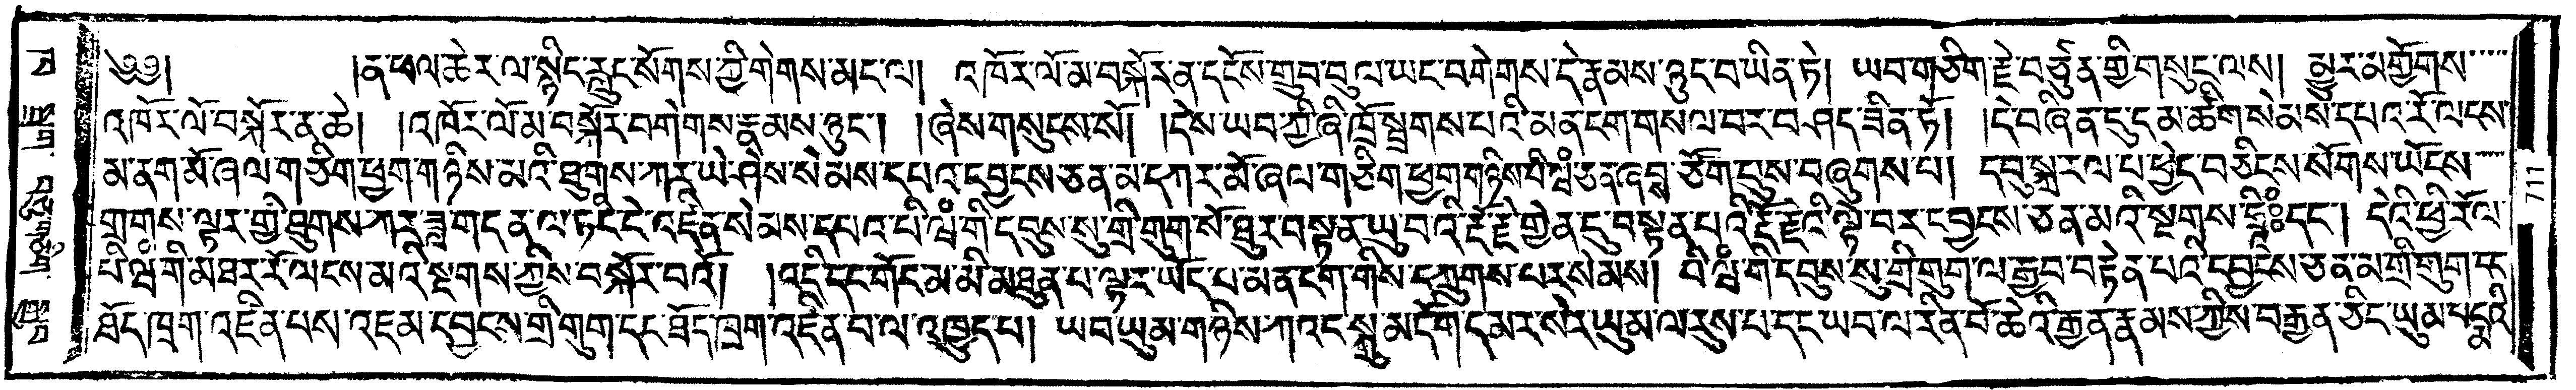༄༅། །ན་ཕལ་ཆེར་ལ་སྙིང་རླུང་སོགས་ཀྱི་གེགས་མང་ལ། འཁོར་ལོ་མ་བསྐོར་ན་དངོས་གྲུབ་བུལ་ཡང་བགེགས་དེ་རྣམས་ཉུང་བ་ཡིན་ཏེ། ཡབ་གཅིག་རྗེ་བཙུན་གྱི་གསུང་ལས། མྱུར་མགྱོགས་
འཁོར་ལོ་བསྐོར་ན་ཆེ། །འཁོར་ལོ་མ་བསྐོར་བགེགས་རྣམས་ཉུང་། །ཞེས་གསུངས་སོ། །དེས་ཡབ་ཀྱི་ཞི་ཁྲོ་སྦྲགས་པའི་མན་ངག་གསལ་བར་བཤད་ཟིན་ཏོ། །དེ་བཞིན་དུ་དམ་ཚིག་སེམས་དཔའ་རོ་ལངས་
མ་ནག་མོ་ཞལ་གཅིག་ཕྱག་གཉིས་མའི་ཐུགས་ཀར་ཡེ་ཤེས་སེམས་དཔའ་དབྱངས་ཅན་མ་དཀར་མོ་ཞལ་གཅིག་ཕྱག་གཉིས་པི་ཝཾ་ཅན་ཞབས་ཙོག་པུས་བཞུགས་པ། དབུ་སྐྲ་རལ་པ་ཕྱེད་བཅིངས་སོགས་ཡོངས་
གྲགས་ལྟར་གྱི་ཐུགས་ཀར་ཟླ་གདན་ལ་ཏིང་ངེ་འཛིན་སེམས་དཔའ་པི་ཝཾ་གི་དབུས་སུ་གྲི་གུག་སོ་ཐུར་བསྟན་ཡུ་བའི་རྡོ་རྗེ་གྱེན་དུ་བསྟན་པའི་རྡོ་རྗེའི་ལྟེ་བར་དབྱངས་ཅན་མའི་སྔགས་ཧྲཱིཿདང་། དེའི་ཕྱི་རོལ་
པི་ཝཾ་གི་མཐར་རོ་ལངས་མའི་སྔགས་ཀྱིས་བསྐོར་བའོ། །འདི་དང་གོང་མ་མི་མཐུན་པ་ལྟར་ཡོད་པ་མན་ངག་གིས་དཀྲུགས་པར་སེམས། པི་ཝཾ་གི་དབུས་སུ་གྲི་གུག་ལ་རྒྱབ་བརྟེན་པའི་དབྱངས་ཅན་མ་གྲི་གུག་དང་
ཐོད་ཁྲག་འཛིན་པས་འཇམ་དབྱངས་གྲི་གུག་དང་ཐོད་ཁྲག་འཛིན་པ་ལ་འཁྱུད་པ། ཡབ་ཡུམ་གཉིས་ཀའང་སྐུ་མདོག་དམར་སེར་ཡུམ་ལ་རུས་པ་དང་ཡབ་ལ་རིན་པོ་ཆེའི་རྒྱན་རྣམས་ཀྱིས་བརྒྱན་ཅིང་ཡུམ་པདམའི་